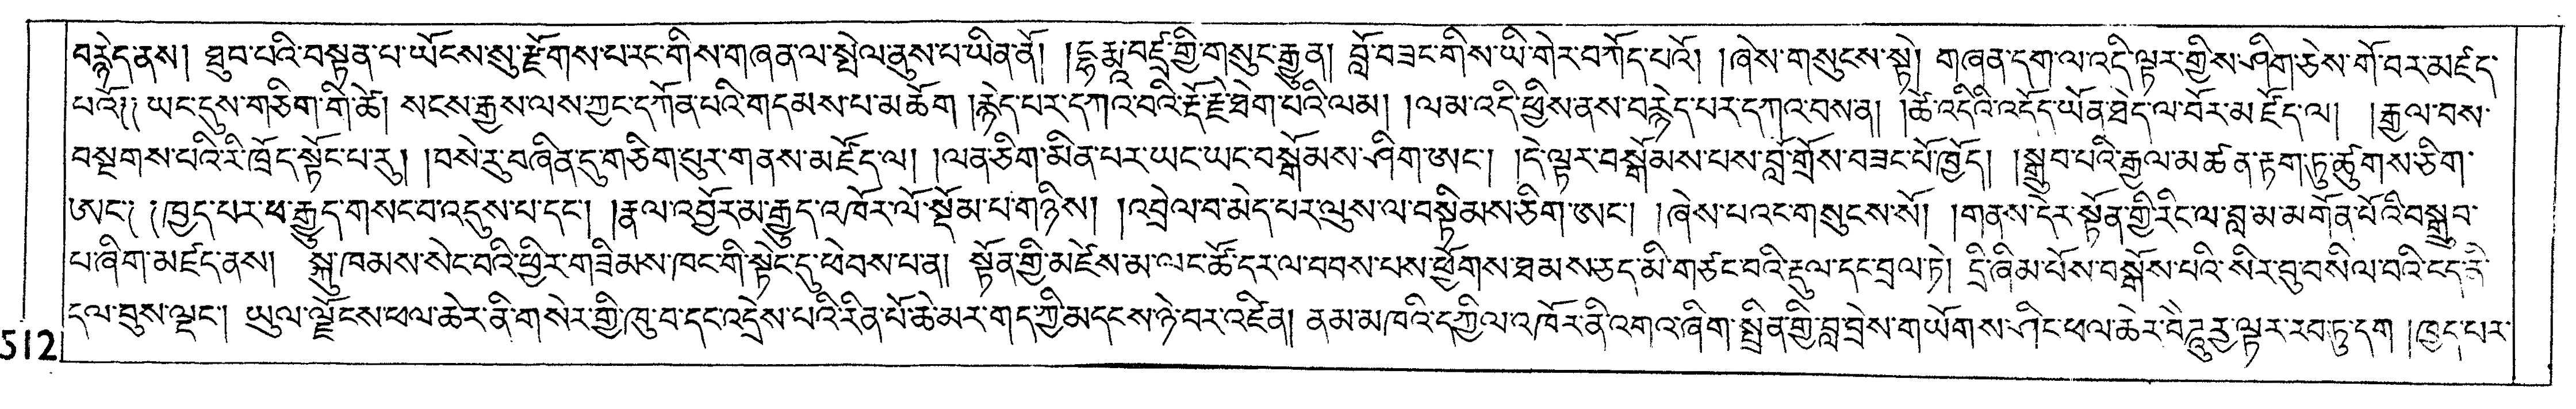བརྙེད་ནས། ཐུབ་པའི་བསྟན་པ་ཡོངས་སུ་རྫོགས་པ་རང་གིས་གཞན་ལ་སྤེལ་ནུས་པ་ཡིན་ནོ། །དྷརྨཱ་བཛྲ་གྱི་གསུང་རྒྱུན། བློ་བཟང་གིས་ཡི་གེར་བཀོད་པའོ། །ཞེས་གསུངས་སྟེ། གཞན་དག་ལ་འདི་ལྟར་གྱིས་ཤིག་ཅེས་གོ་བར་མཛད་
པའོ༑ ༑ཡང་དུས་གཅིག་གི་ཚེ། སངས་རྒྱས་ལས་ཀྱང་དཀོན་པའི་གདམས་པ་མཆོག །རྙེད་པར་དཀའ་བའི་རྡོ་རྗེ་ཐེག་པའི་ལམ། །ལམ་འདི་ཕྱིས་ནས་བརྙེད་པར་དཀའ་བས་ན། །ཚེ་འདིའི་འདོད་ཡོན་ཐེད་ལ་བོར་མཛོད་ལ། །རྒྱལ་བས་
བསྔགས་པའི་རི་ཁྲོད་སྟོང་པ་རུ། །བསེ་རུ་བཞིན་དུ་གཅིག་པུར་གནས་མཛོད་ལ། །ལན་ཅིག་མིན་པར་ཡང་ཡང་བསྒོམས་ཤིག་ཨང་། །དེ་ལྟར་བསྒོམས་པས་བློ་གྲོས་བཟང་པོ་ཁྱོད། །སྒྲུབ་པའི་རྒྱལ་མཚན་རྟག་ཏུ་ཚུགས་ཅིག་
ཨང༑ ༑ཁྱད་པར་ཕ་རྒྱུད་གསང་བ་འདུས་པ་དང་། །རྣལ་འབྱོར་མ་རྒྱུད་འཁོར་ལོ་སྡོམ་པ་གཉིས། །འབྲེལ་བ་མེད་པར་ལུས་ལ་བསྟིམས་ཅིག་ཨང་། །ཞེས་པའང་གསུངས་སོ། །གནས་དེར་སྟོན་གྱི་རིང་ལ་བླ་མ་མགོན་པོའི་བསྒྲུབ་
པ་ཞིག་མཛད་ནས། སྐུ་ཁམས་སེང་བའི་ཕྱིར་གཟིམས་ཁང་གི་སྟེང་དུ་ཕེབས་པ་ན། སྟོན་གྱི་མཛེས་མ་ལང་ཚོ་དར་ལ་བབས་པས་ཕྱོགས་ཐམས་ཅད་མི་གཙང་བའི་རྡུལ་དང་བྲལ་ཏེ། དྲི་ཞིམ་པོས་བསྒོས་པའི་སིར་བུ་བསིལ་བའི་ངད་ནི་
དལ་བུས་ལྡང་། ཡུལ་ལྗོངས་ཕལ་ཆེར་ནི་གསེར་གྱི་ཁུ་བ་དང་འདྲེས་པའི་རིན་པོ་ཆེ་མར་གད་ཀྱི་མདངས་ཉེ་བར་འཛིན། ནམ་མཁའི་དཀྱིལ་འཁོར་ནི་འགའ་ཞིག་སྤྲིན་གྱི་བླ་བྲེས་གཡོགས་ཤིང་ཕལ་ཆེར་བཻ་ཌཱུརྱ་ལྟར་རབ་ཏུ་དག །ཁྱད་པར་